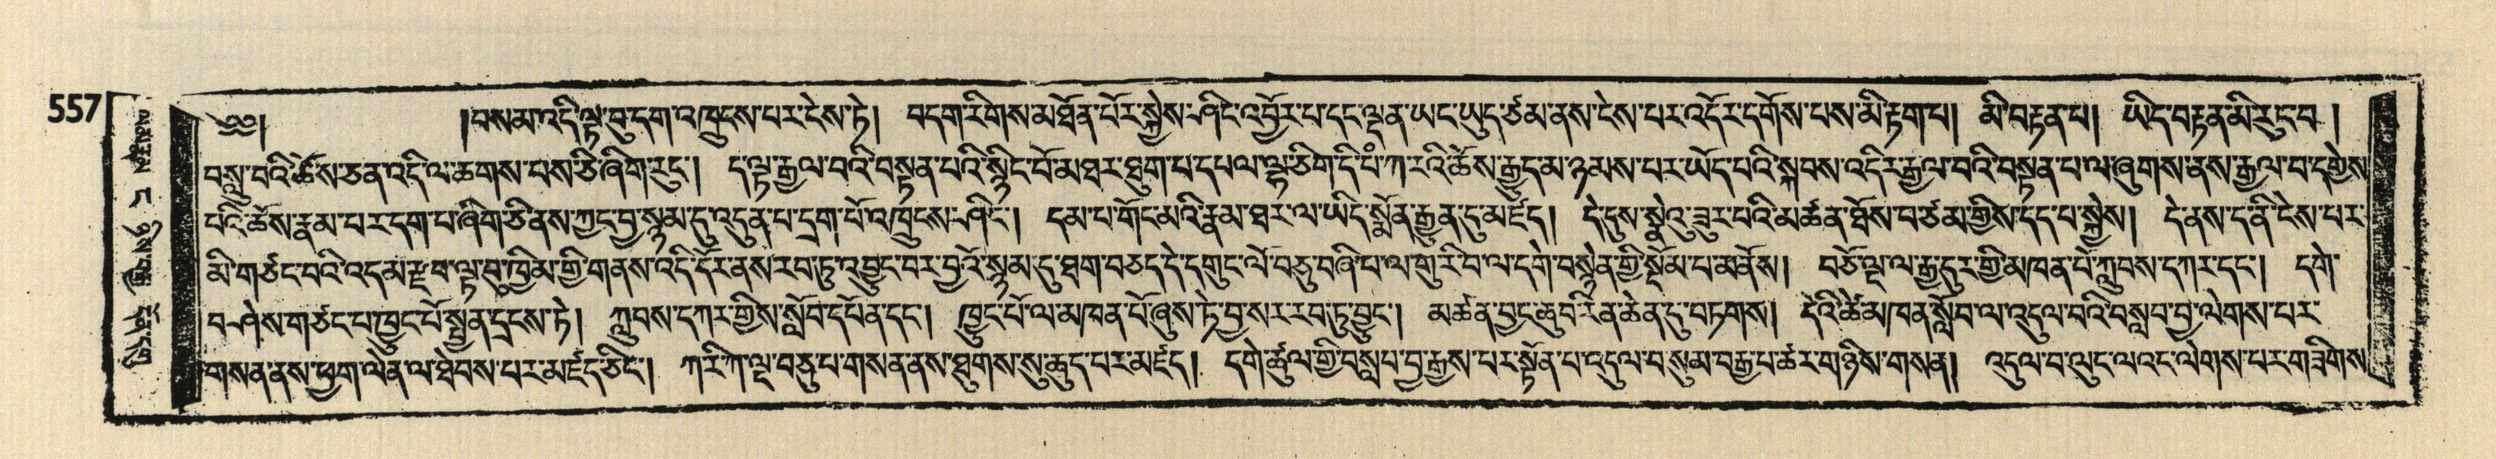༄༅། །བསམ་འདི་ལྟ་བུ་དག་འཁྲུངས་པར་ངེས་ཏེ། བདག་རིགས་མཐོན་པོར་སྐྱེས་ཤིང་འབྱོར་པ་དང་ལྡན་ཡང་ཡུད་ཙམ་ནས་ངེས་པར་འདོར་དགོས་པས་མི་རྟག་པ། མི་བརྟན་པ། ཡིད་བརྟན་མི་རུང་བ།
བསླུ་བའི་ཆོས་ཅན་འདི་ལ་ཆགས་བས་ཅི་ཞིག་རུང་། ད་ལྟ་རྒྱལ་བའི་བསྟན་པའི་སྙིང་བོ་མཐར་ཐུག་པ་དཔལ་ལྷ་ཅིག་དི་པཾ་ཀ་རའི་ཆོས་རྒྱུད་མ་ཉམས་པར་ཡོད་པའི་སྐབས་འདིར་རྒྱལ་བའི་བསྟན་པ་ལ་ཞུགས་ནས་རྒྱལ་བ་དགྱེས་
པའི་ཆོས་རྣམ་པར་དག་པ་ཞིག་ཅི་ནས་ཀྱང་བྱ་སྙམ་དུ་འདུན་པ་དྲག་པོ་འཁྲུངས་ཤིང་། དམ་པ་གོང་མའི་རྣམ་ཐར་ལ་ཡིད་སྨོན་རྒྱུན་དུ་མཛད། དེ་དུས་སྣེའུ་ཟུར་པའི་མཚན་ཐོས་བ་ཙམ་གྱིས་དད་པ་སྐྱེས། དེ་ནས་ད་ནི་ངེས་པར་
མི་གཙང་བའི་འདམ་རྫབ་ལྟ་བུ་ཁྱིམ་གྱི་གནས་འདི་དོར་ནས་རབ་ཏུ་འབྱུང་བར་བྱའོ་སྙམ་དུ་ཐག་བཅད་དེ་དགུང་ལོ་བཅུ་བཞི་བ་ལ་གུ་རི་བ་ལ་དགེ་བསྙེན་གྱི་སྡོམ་པ་མནོས། བཅོ་ལྔ་ལ་རྒྱ་དུར་གྱི་མཁན་པོ་ཀླུབས་དཀར་དང་། དགེ་
བཤེས་གཙང་པ་ཁྱུང་པོ་སྤྱན་དྲངས་ཏེ། ཀླུབས་དཀར་གྱིས་སློབ་དཔོན་དང་། ཁྱུང་པོ་ལ་མཁན་པོ་ཞུས་ཏེ་བྱ་སར་རབ་ཏུ་བྱུང་། མཚན་བྱང་ཆུབ་རིན་ཆེན་དུ་བཏགས། དེའི་ཚེ་མཁན་སློབ་ལ་འདུལ་བའི་བསླབ་བྱ་ལེགས་པར་
གསན་ནས་ཕྱག་ལེན་ལ་ཐེབས་པར་མཛད་ཅིང་། ཀ་རི་ཀ་ལྔ་བཅུ་པ་གསན་ནས་ཐུགས་སུ་ཆུད་པར་མཛད། དགེ་ཚུལ་གྱི་བསླབ་བྱ་རྒྱས་པར་སྟོན་པ་འདུལ་བ་སུམ་བརྒྱ་པ་ཚར་གཉིས་གསན། འདུལ་བ་ལུང་ལའང་ལེགས་པར་གཟིགས་